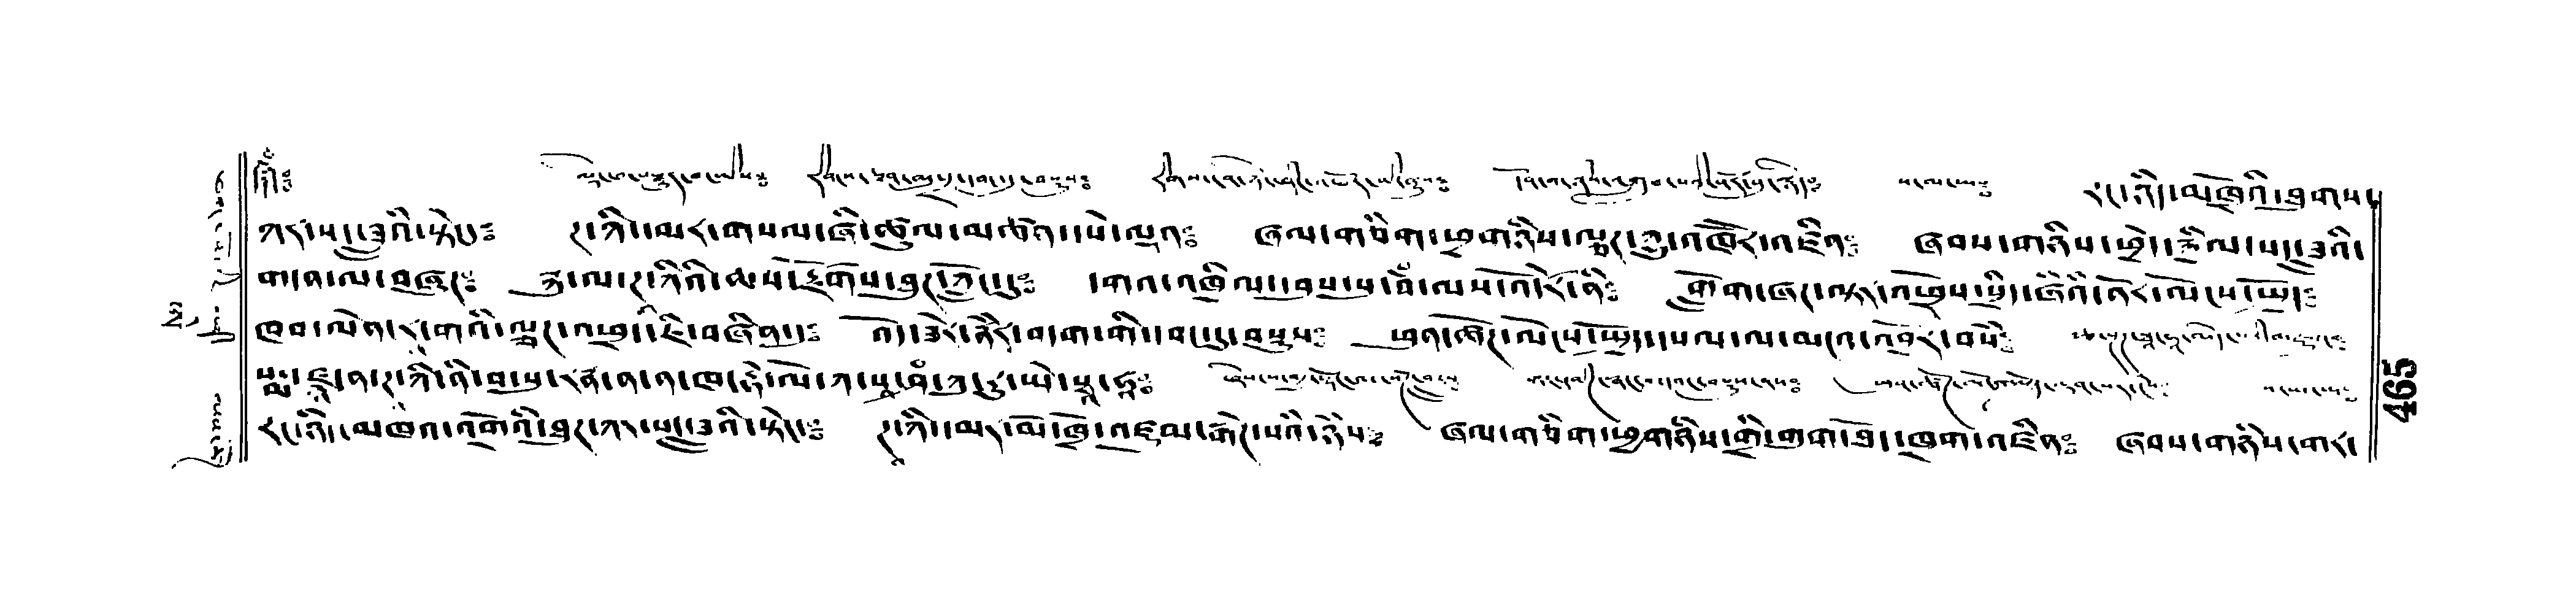ལྡེ་ཁ་བསྒྱུར་བ་ཡིས༔ རིགས་ཅན་མུ་དྲ་དབང་དུ་འདུ༔ རིགས་ངན་ཉེ་ཞིང་འཁོར་མི་ནུས༔ དོན་གཉིས་འགྲུབ་པའི་ནོར་བུ་རྙེད༔ ས་མ་ཡ༔ རང་ཉིད་མཁའ་འགྲོའི་ཐུགས་
ཀར་པད་ཟླའི་སྟེང༔ ཌཱ་ཀི་དམར་གསལ་ཞི་ཚུལ་མཚན་དཔེ་ལྡན༔ ཞལ་གཅིག་ཕྱག་གཉིས་ལྕགས་ཀྱུ་འཁོར་ལོ་འཛིན༔ ཞབས་གཉིས་ཕྱེད་སྐྱལ་པད་ཟླའི་
གདན་ལ་བཞུགས༔ སྐུ་ལ་ཌཱ་ཀིའི་ཆས་རྫོགས་ཐུགས་ཀློང་དུ༔ དགའ་འཁྱིལ་དབུས་སུ་བྃ་ལས་འོད་ཟེར་ནི༔ གློག་ཞགས་ལྟར་འཕྲོས་སྲིད་ཞིའི་ནོར་ལོངས་སྤྱོད༔ 
ཁབ་ལེན་རཱ་གའི་ལྕགས་འཕྲད་ཇི་བཞིན་དུ༔ འོད་ཟེར་རྣམ་པར་དག་གི་དབང་དུ་བསྡུས༔ ཕུན་ཚོགས་ལོངས་སྤྱོད་དཔལ་ལ་མངའ་འབྱོར་བསམ༔ རྩ་སྔགས་སྭཱ་ཧཱ་མེད་པའི་མཇུག༔ 
པདྨ་ཛྙཱ་ན་ཌཱ་ཀི་ནི་བ་སུ་རཏྣ་ན་ན་ཁ་དྷེ་ལོ་ཀ་པཱ་ཤཾ་ཀུ་རུ་ཡེ་སྭཱ་ཧཱ༔ ཞེས་པ་བརྒྱ་སྟོང་ལ་སོགས་བཟླས༔ གང་དམིགས་སྣང་བ་དབང་བསྡུས་ནས༔ ཕུན་ཚོགས་ལོངས་སྤྱོད་ལྡན་པར་ངེས༔ ས་མ་ཡ༔ 
རང་ཉིད་མཁའ་འགྲོའི་ཐུགས་ཀར་པད་ཟླའི་སྟེང༔ ཌཱ་ཀི་དམར་མོ་ཁྲོ་འཛུམ་སྒེག་པའི་ཉམས༔ ཞལ་གཅིག་ཕྱག་གཉིས་གྲི་གུག་ཐོད་ཁྲག་འཛིན༔ ཞབས་གཉིས་གར་